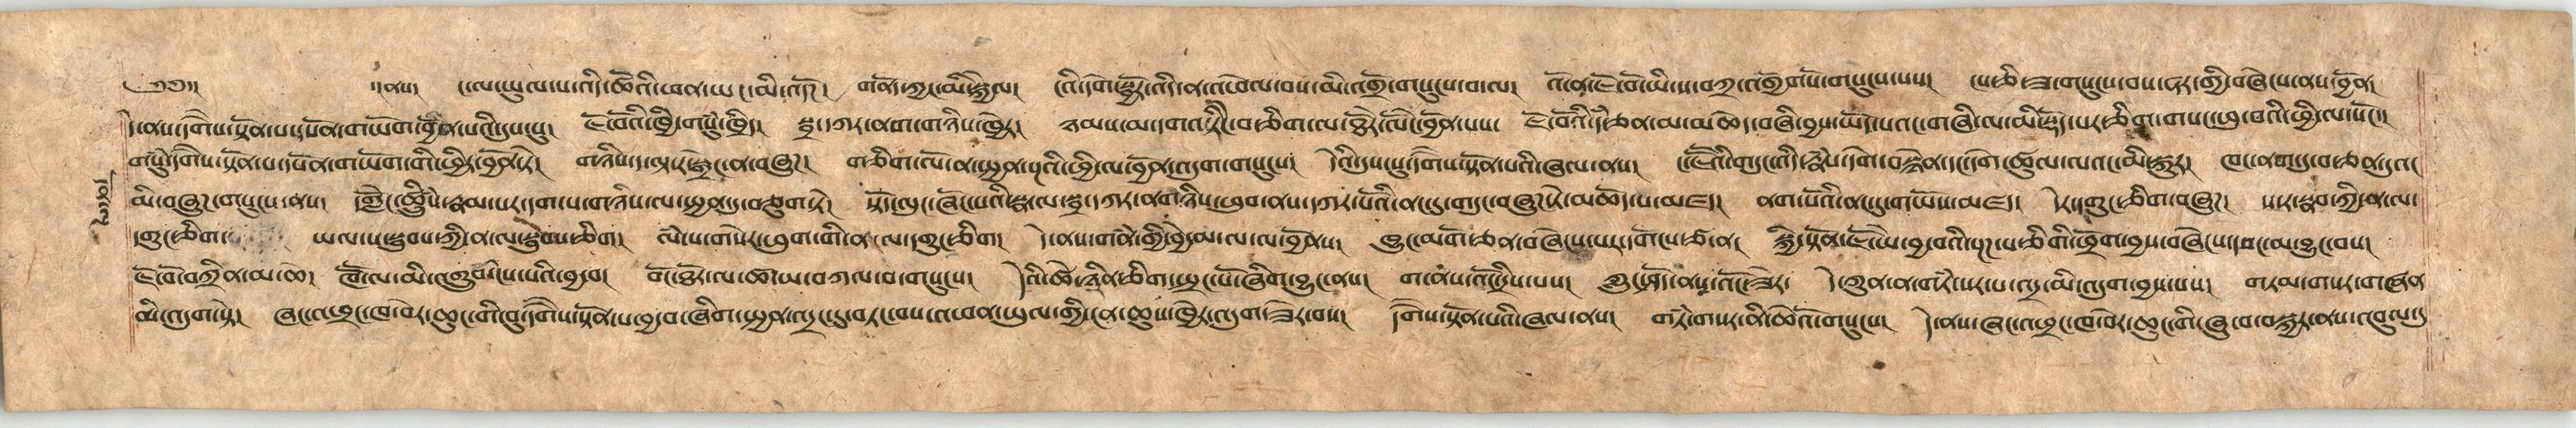་།ནས། ང་ལ་ཡུལ་པ་འདི་ཚོའི་ཕན་ཡང་མི་འདོཌ། གནོད་ཀྱང་མི་སྐྱེལ། ངའི་དགེ་སྦྱོར་འདི་ན་འཕེལ་བས་མི་འགྲོ་གསུངས་བ་ལ། འོ་ན་ཇོ་བོ་ཡི་ས་བཀྲ་འགྱོགསོ་གསུངས་པས། ངས་ཅི་ཟ་གསུངས་བས་ཧར་གྱི་བཞེངས་ནས་བྱོན
དེ་ནས་དགཻས་སྟོན་པ་དཔོན་གཡོག་བྱོན་པའིདུས་སུ། ཇོ་བོའི་ཁྱི་གསུཾ་ཁྲིད། སྦྲ་དཀར་ནག་གཉིས་ཁྱེར། ཉམས་མ་དགའ་ཏིངེ་བ་ཅིག་ལ་ཐོརེ་ལོངེ་བྱོན་པས། ཇོ་བོའི་དཾ་ཅན་མ་མཆེད་བཞི་བྱས་ཡོད་པའང་གཞི་ལ་མི་སྡོད་པར་ཅིག་གསང་ཕུ་བའི་ཕྱི་ལ་སོང་།
གསུཾ་དགཻས་སྟོན་པ་དཔོན་གཡོག་གི་ཕྱིར་བྱོན་ཏེ། གཉིས་ད་ལྟ་ར་སྒྲེང་ན་བཞུཌ། གཅིག་ལོ་ན་སྤྱན་སྔའི་ཕྱི་ལ་བྱོན་འདུག་གསུངས། དེའི་དུས་སུ་དགཻས་སྟོན་པའི་ཞལ་ནས། ང་ཇཽའི་གདུང་འདི་རྣཾས་དགེ་བསྙེན་དང་དགེ་ཚུལ་ལའང་མི་སྐུར། ཁང་ནག་དུ་བ་ཅན་དུའང
མི་བཞུཌ་གསུངས་ནས། དགླེོང་ཚྲིུཾས་རྣམ་པར་དག་པ་གཉིས་སྤྱན་དུ་བཅུག་སྟེ། སྟོད་ལུང་ཞོང་པའི་སྣ་ལ་སྦྲ་དཀར་ནག་གཉིས་ཕུབ་ནས་དཀར་པོའི་ནང་དུ་གདུང་བཞུཌ་ཏེ་མཆོད་པ་མཛད། ནག་པོའི་ནང་དུ་གཡོས་མཛད། དེར་དགུང་ཅིག་བཞུཌ། ས་ར་སྣབ་ཀྱི་ན་ལ་
དགུང་ཅིག་ ཡལ་པ་སྦུབས་ཀྱི་ན་ལ་སྦེུབས་ཅིག ལཾ་ས་གསེར་ཕུག་གི་ན་ལ་དགུང་ཅིག། དེ་ནས་གནཾ་གྱི་བྱེ་མ་ལ་ལ་བྱོནས། ཁྱུང་མགོ་ཅན་བཞེངས་པར་དགོངས་ཙ་ན། སྐྱི་སྟོན་ཇོ་ཡེ་བྱ་བའི་སྔཌ་པ་ཅིགི་ཕྲོག་བྱས་བཞེངས་དབང་མ་བྱུང་བས།
ཇོ་བོ་བཀྲིན་མ་ཆེ། ཁཽ་ལ་མི་འགྲུབ་ངེས་པའི་བྱ་བ། བོང་ཐོར་ལ་ཚ་ཡ་བཀལ་བ་གསུངས། དེའི་ཚེ་ཉིན་ཅིག་སྤྲང་པོ་ཞིག་བྱུང་ནས། ག་ནས་འོང་དྲིས་པས། ཀླུང་ཤོད་ནས་འོང་ཟེར་ དེ་ཀུན་ན་གཏཾ་སར་པ་འདྲ་མི་འདུག་བྱས་པས། གཏམ་གསར་གཞན
མི་འདུག་སྟེ། ཞང་འཕྲང་ཁ་བེར་ཆུང་གི་བུ་དགཻས་སྟོན་པ་བྱ་བ་ཞིག་སྤྱན་འདྲང་དུ་བཏང་བས་འཕན་ཡུལ་གྱི་ངན་ཆུས་ཁྱེར་འདུག་ཟེར་བས། དགཻས་སྟོན་པའི་ཞལ་ནས། གཏཾ་གསར་ནི་ཆེའོ་གསུངས། དེ་ནས་ཞང་འཕྲང་ཁ་བེར་ཆུང་གི་ཞུ་བ་བསྐྱར་ནས་འབུལ་དུ